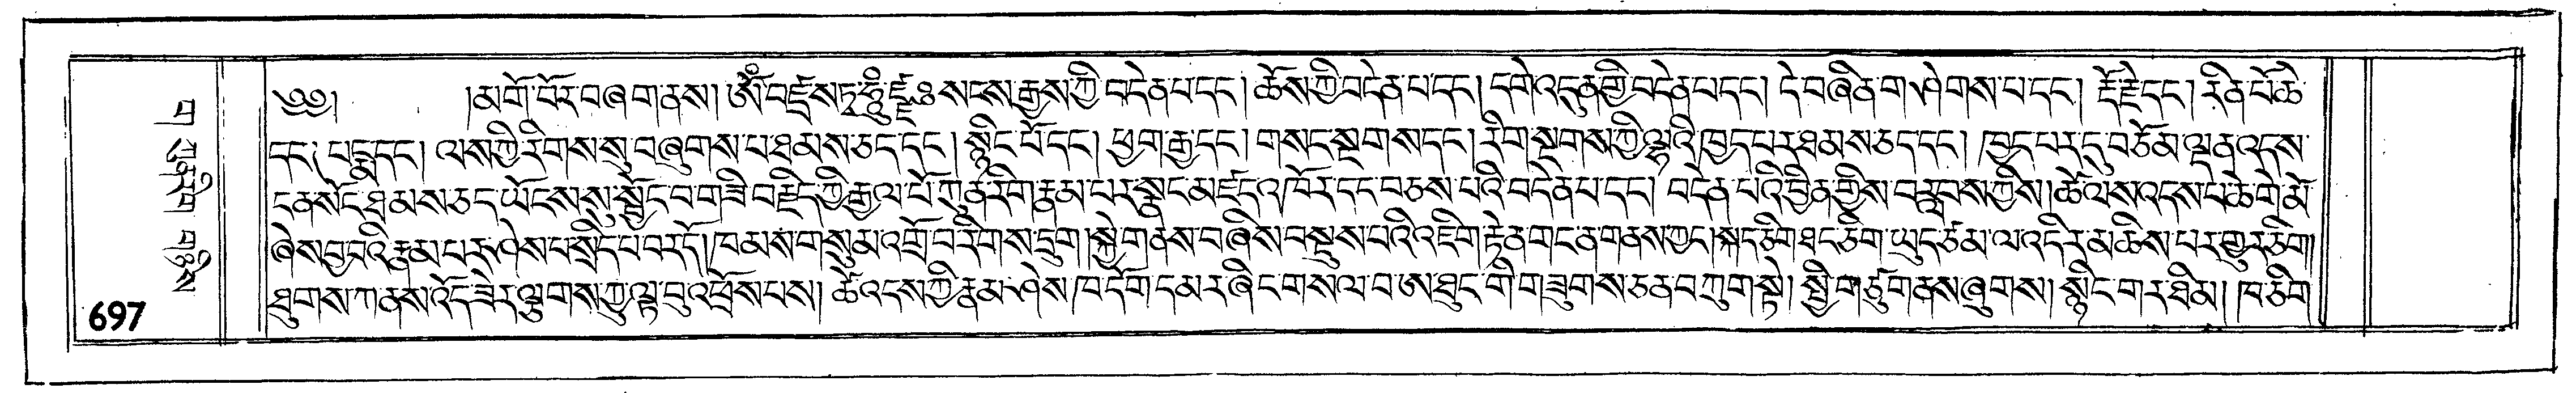༄༅། །མགོ་བོར་བཞག་ནས། ཨོཾ་བཛྲ་སཏྭ་ཧཱུཾ་ཛྫཿ སངས་རྒྱས་ཀྱི་བདེན་པ་དང་། ཆོས་ཀྱི་བདེན་པ་དང་། དགེ་འདུན་གྱི་བདེན་པ་དང་། དེ་བཞིན་གཤེགས་པ་དང་། རྡོ་རྗེ་དང་། རིན་པོ་ཆེ་
དང༑ པདམ་དང་། ལས་ཀྱི་རིགས་སུ་བཞུགས་པ་ཐམས་ཅད་དང་། སྙིང་པོ་དང་། ཕྱག་རྒྱ་དང་། གསང་སྔགས་དང་། རིག་སྔགས་ཀྱི་ལྷའི་ཁྱད་པར་ཐམས་ཅད་དང་། ཁྱད་པར་དུ་བཅོམ་ལྡན་འདས་
ངན་སོང་ཐམས་ཅད་ཡོངས་སུ་སྦྱོང་བ་གཟི་བརྗིད་ཀྱི་རྒྱལ་པོ་ཀུན་རིག་རྣམ་པར་སྣང་མཛད་འཁོར་དང་བཅས་པའི་བདེན་པ་དང་། བདེན་པའི་བྱིན་གྱིས་བརླབས་ཀྱིས། ཚེ་ལས་འདས་པ་ཆེ་གེ་མོ་
ཞེས་བྱ་བའི་རྣམ་པར་ཤེས་པ་སྲིད་པ་བར་དོ། ཁམས་གསུམ་འགྲོ་བ་རིགས་དྲུག །སྐྱེ་གནས་བཞིས་བསྡུས་པའི་འཇིག་རྟེན་གང་ན་གནས་ཀྱང་། སྐད་ཅིག་ཐང་ཅིག་ཡུད་ཙམ་ལ་འདིར་མཆིས་པར་གྱུར་ཅིག །
ཐུགས་ཀ་ནས་འོད་ཟེར་ལྕགས་ཀྱུ་ལྟ་བུ་འཕྲོས་པས། ཚེ་འདས་ཀྱི་རྣམ་ཤེས་ཁ་དོག་དམར་ཞིང་གསལ་བ་ཨ་ཐུང་གི་གཟུགས་ཅན་བཀུག་སྟེ། སྤྱི་གཙུག་ནས་ཞུགས། སྙིང་གར་ཐིམ། ཁ་ཅིག་